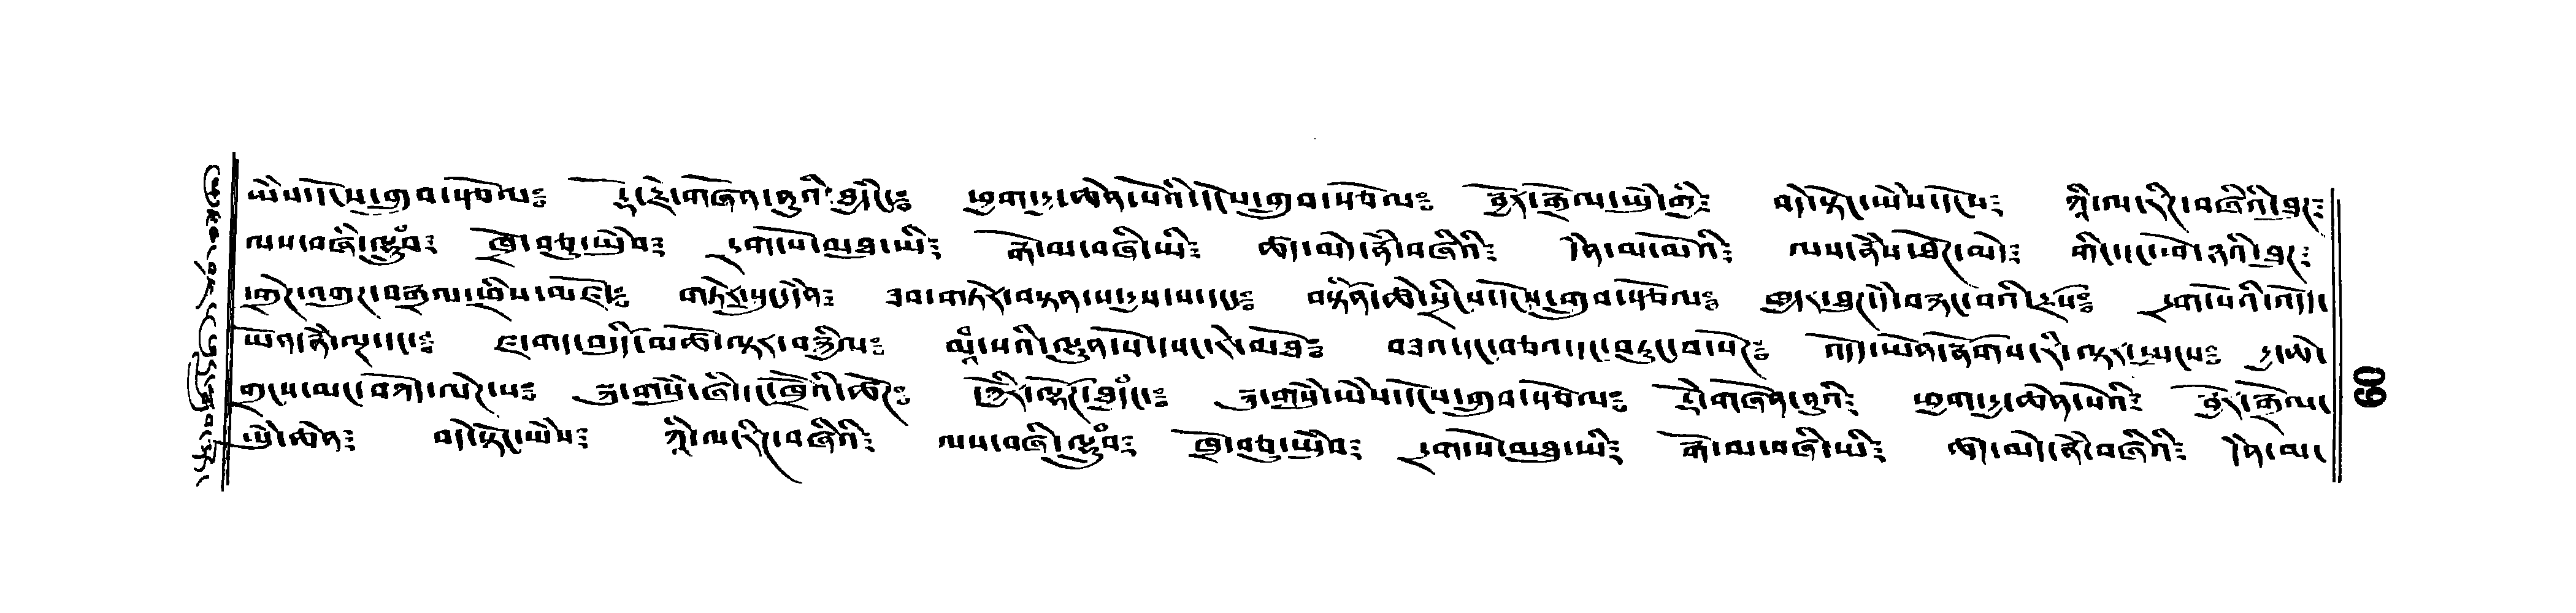ཡེ་ཤེས་དངོས་གྲུབ་སྩོལ༔ རྡོ་རྗེ་གཞོན་ནུའི་ཐུགས་དམ་བསྐང༔ ཕྱག་རྒྱ་ཆེན་པོའི་དངོས་གྲུབ་སྩོལ༔ སྦྱོར་སྒྲོལ་ཡུམ་གྱི༴ བདེ་སྟོང་ཡེ་ཤེས་དངོས༴ ཀཱི་ལ་རིགས་བཞིའི་ཐུགས༴ 
ལས་བཞི་ལྷུན་གྲུབ༴ ཁྲོ་བཅུ་ཡབ་ཡུམ༴ དྲག་པོ་མཐུ་ཡི༴ སྒོ་མ་བཞི་ཡི༴ ཚད་མེད་རྣམ་བཞིའི༴ དམ་ཅན་མ་མོའི༴ ལས་རྣམས་ཐོགས་མེད༴ གིང་དང་ཕོ་ཉའི་ཐུགས༴ 
དགྲ་བགེགས་འགུགས་བསྒྲལ་ཕྲིན་ལས་མཛོད༔ གཏེར་སྲུང་དམ་ཅན༴ ཟབ་གཏེར་བསྟན་པ་རྒྱས་པ་དང༔ བསྟན་འཛིན་ཚེ་སྲིངས་དངོས་གྲུབ་སྩོལ༔ ཁྱད་པར་ཐུགས་དམ་བསྐང་བའི་རྫས༔ དྲག་པོའི་འདོད་
ཡོན་རྣམ་ལྔ་དང༔ ཛ་གད་བདུད་རྩི་མཚོ་ལྟར་བསྐྱིལ༔ མཱཾ་པའི་ལྷུན་པོ་དཔང་རེ་མཐོ༔ བཟའ་དང་བཅའ་དང་བཏུང་བ་སོགས༔ འདོད་ཡོན་སྣ་ཚོགས་རི་ལྟར་སྤུངས༔ རྒྱ་ཆེ་
གྲངས་མང་བཀོད་ལེགས་པ༔ སྐུ་གསུམ་ཞི་དང་ཁྲོ་བོའི་ཚོགས༔ དཀྱིལ་འཁོར་ལྷ་ཚོགས་ཐུགས་དམ་བསྐང༔ སྐུ་གསུམ་ཡེ་ཤེས་དངོས་གྲུབ་སྩོལ༔རྡོ་རྗེ་གཞོན་ནུའི༴ ཕྱག་རྒྱ་ཆེན་པོའི༴ སྦྱོར་སྒྲོལ་
ཡུམ་ཆེན༴ བདེ་སྟོང་ཡེ་ཤེས༴ ཀཱི་ལ་རིགས་བཞིའི༴ ལས་བཞི་ལྷུན་གྲུབ༴ ཁྲོ་བཅུ་ཡབ་ཡུམ༴ དྲག་པོ་མཐུ་ཡི༴ སྒོ་མ་བཞི་ཡི༴ ཚད་མེད་རྣམ་བཞིའི༴ དམ་ཅན་མ་